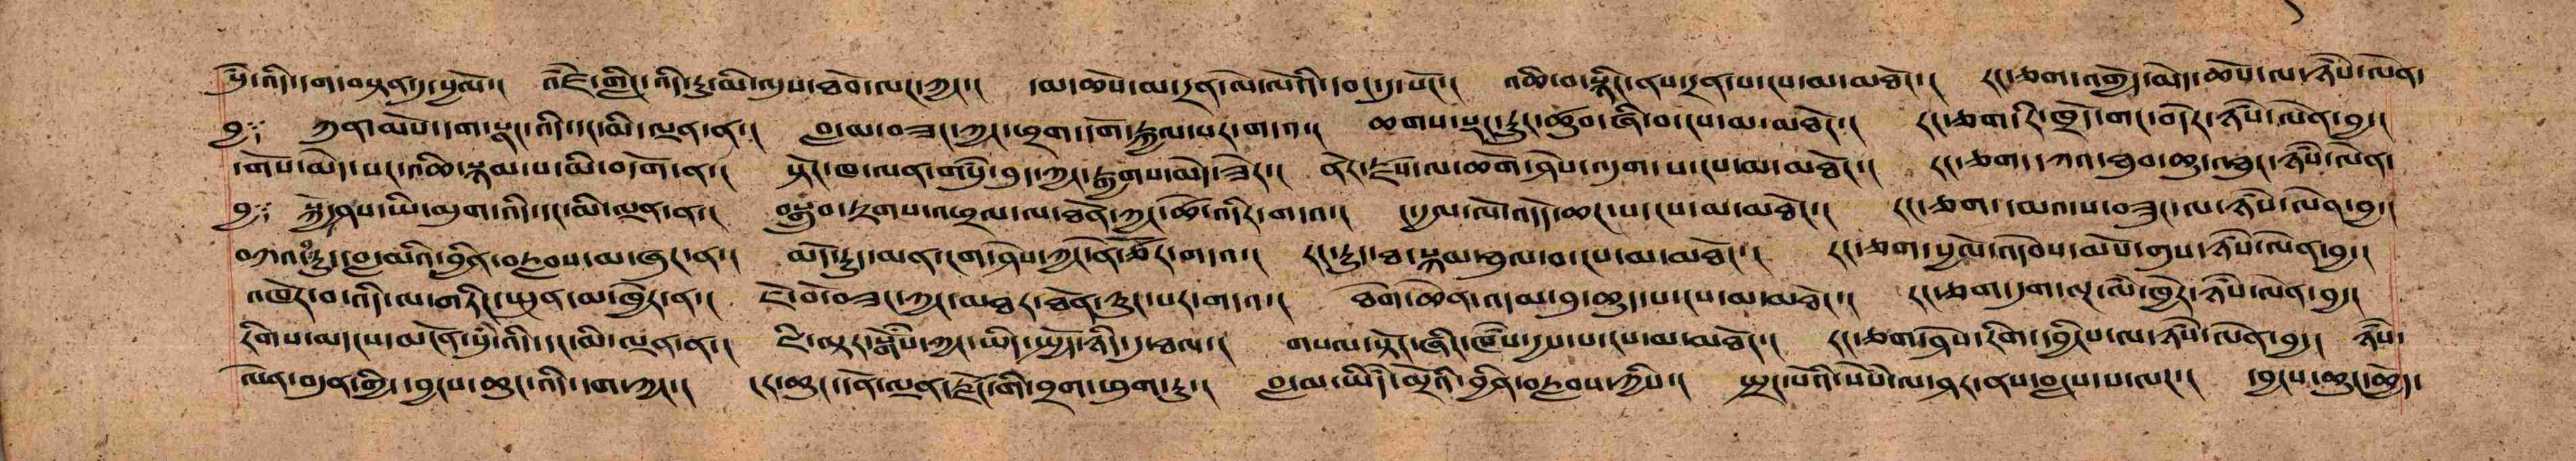སུམ་འདི་དག་བསྟན་དུ་གསོལ།། འཛམ་གླིང་འདི་རུ་མི་ལུས་ཐོབ་ལགས་ཀྱང་།། དམ་ཆོས་མ་དྲན་ལེ་ལོའི་དབང་དུ་སོང་།། འཆི་བ་སྙིང་ནས་དྲན་པ་ངས་མ་མཐོང་།། རང་ཅག་འགྱོད་མེད་ཆོས་ལ་ཉམས་ལེན་
བྱ།། ཀུན་མོས་དག་སྣང་འདི་དང་མི་ལྡན་ན།། བླ་མ་བཟང་ཀྱང་ཕྲག་དོག་རྐྱལ་པར་གདའ།། ཆགས་སྡང་རླུང་འཚུབ་ཞི་བ་ངས་མ་མཐོང་།། རང་ཅག་རི་ཁྲོད་གང་བདེར་ཉམས་ལེན་བྱ།། 
དགོས་མེད་སང་འཆི་སྙམ་པ་མི་བདོག་ན།། སྟོང་ཁ་ལན་གསུམ་བུད་ཀྱང་རྒྱགས་མེད་ཟེར།། ནོར་རྫས་ལ་ཆོག་ཤེས་འདུག་པ་ངས་མ་མཐོང་།། རང་ཅག་དཀའ་ཐུབ་ཆུ་འཐུང་ཉམས་ལེན་
བྱ།། སྐྱོ་ཤས་ཡི་མུག་འདི་དང་མི་ལྡན་ན།། བསྒྲུབ་རྟགས་འཕྲལ་ལ་ཐོན་ཀྱང་ཚེ་འདིར་གདའ།། རང་རྒྱུད་ཤ་སྐམ་ཐུལ་བ་ངས་མ་མཐོང་།། རང་ཅག་དུག་ལྔ་ལམ་ཁྱེར་ཉམས་ལེན་བྱ།། 
བཀའ་བརྒྱུད་བླ་མའི་བྱིན་བརླབས་མ་བཞུགས་ན། མདོ་རྒྱུད་མན་ངག་ཤེས་ཀྱང་ནེ་ཙོར་གདའ། ཐེག་ཆེན་འདམ་བུ་ཆུད་པ་ངས་མ་མཐོང་། རང་ཅག་བྱོལ་འདེབས་མོས་གུས་ཉམས་ལེན་བྱ།
འཁོར་བ་འདི་ལ་གཏིང་སྤུན་མ་ཁྱེར་ན། ཇོ་བོ་བཟང་ཀྱང་མཐར་ཐོན་ཉུང་པར་གདའ། ཐེག་ཆེན་འདམ་བུ་ཆུད་པ་ངས་མ་མཐོང་། རང་ཅག་དུག་ལྔ་ལམ་ཁྱེར་ཉམས་ལེན་བྱ།
རིགས་མདངས་མངོན་སུམ་འདི་དང་མི་ལྡན་ན།། ཇི་ལྟར་བསྒོམ་ཀྱང་ཡིད་སྤྱོད་ཉིད་དུ་ཐལ།། གསལ་སྟོང་ཞིང་ཁམས་རྒྱས་པ་ངས་མ་མཐོང་།། རང་ཅག་ཤེས་རིག་དབྱིངས་ལ་ཉམས་ལེན་བྱ།། ཉམས་
ལེན་བདུན་གྱི་དབྱངས་ཆུང་འདི་དག་ཀྱང་།། ངར་ཆུང་དོན་ལྡན་རྫོང་གི་བྲག་ཕུག་ཏུ།། བླ་མ་ཡིད་དམ་མཁའ་འགྲོའི་བྱིན་རླབས་ཀྱིས།། སྤྲང་པོའི་སེམས་ལ་ཤར་ནས་བླངས་པ་ལགས།། དབྱངས་ཆུང་མཆོད་